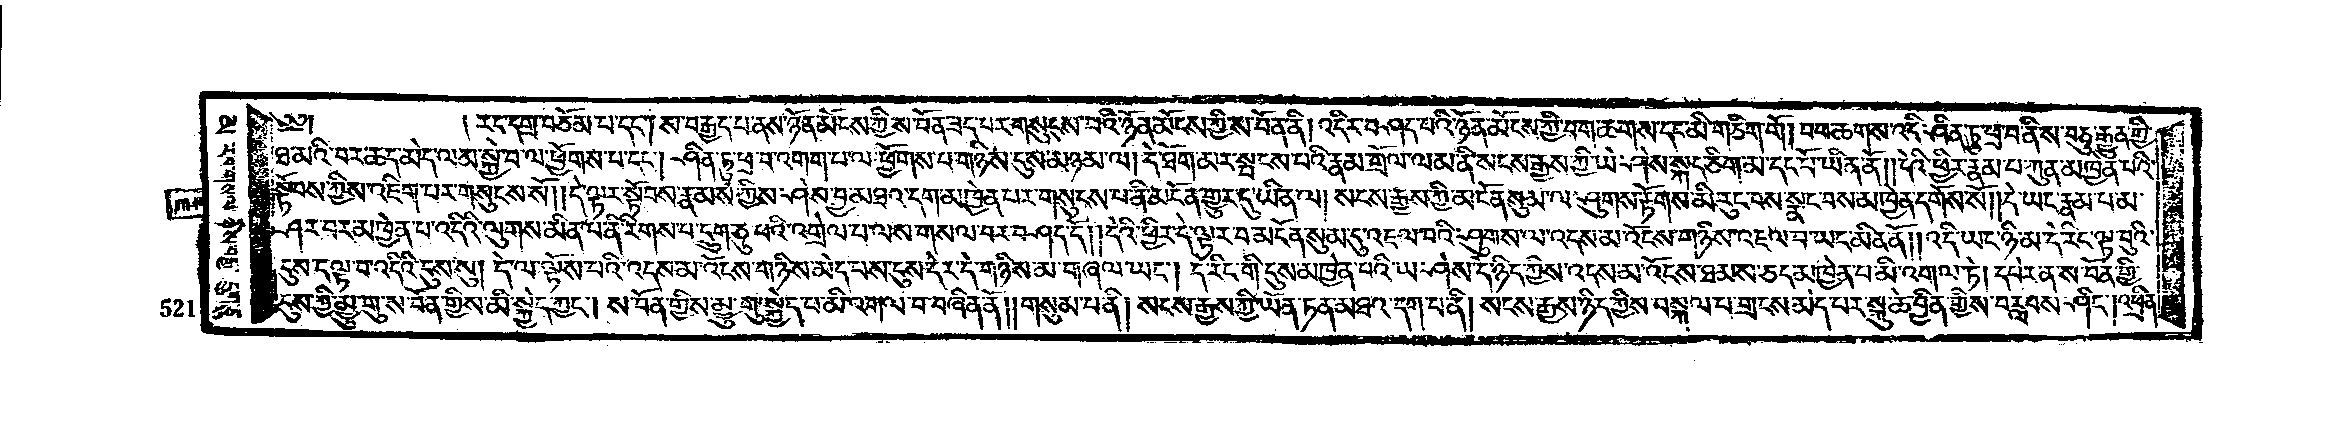༄༅། །རང་དགྲ་བཅོམ་པ་དང་། ས་བརྒྱད་པ་ནས་ཉོན་མོངས་ཀྱི་ས་བོན་ཟད་པར་གསུངས་པའི་ཉོན་མོངས་ཀྱི་ས་བོན་ནི། འདིར་བཤད་པའི་ཉོན་མོངས་ཀྱི་བག་ཆགས་དང་མི་གཅིག་གོ །བག་ཆགས་འདི་ཤིན་ཏུ་ཕྲ་བ་ནི་ས་བཅུ་རྒྱུན་གྱི་
ཐ་མའི་བར་ཆད་མེད་ལམ་སྐྱེ་བ་ལ་ཕྱོགས་པ་དང་། ཤིན་ཏུ་ཕྲ་བ་འགག་པ་ལ་ཕྱོགས་པ་གཉིས་དུས་མཉམ་ལ། དེ་ཐོག་མར་སྤངས་པའི་རྣམ་གྲོལ་ལམ་ནི་སངས་རྒྱས་ཀྱི་ཡེ་ཤེས་སྐད་ཅིག་མ་དང་པོ་ཡིན་ནོ། །དེའི་ཕྱིར་རྣམ་པ་ཀུན་མཁྱེན་པའི་
སྟོབས་ཀྱིས་འཇིག་པར་གསུངས་སོ། །དེ་ལྟར་སྟོབས་རྣམས་ཀྱིས་ཤེས་བྱ་མཐའ་དག་མཁྱེན་པར་གསུངས་པ་ནི་མངོན་གྱུར་དུ་ཡིན་ལ། སངས་རྒྱས་ཀྱི་མངོན་སུམ་ལ་ཤུགས་རྟོགས་མི་རུང་བས་སྣང་བས་མཁྱེན་དགོས་སོ། །དེ་ཡང་རྣམ་པ་མ་
ཤར་བར་མཁྱེན་པ་འདིའི་ལུགས་མིན་པ་ནི་རིགས་པ་དྲུག་ཅུ་པའི་འགྲེལ་པ་ལས་གསལ་བར་བཤད་དོ། །དེའི་ཕྱིར་ད་ལྟར་བ་མངོན་སུམ་དུ་འཇལ་བའི་ཤུགས་ལ་འདས་མ་འོངས་གཉིས་འཇལ་བ་ཡང་མིན་ནོ། །འདི་ཡང་ཉི་མ་དེ་རིང་ལྟ་བུའི་
དུས་ད་ལྟ་བ་འདིའི་དུས་སུ། དེ་ལ་ལྟོས་པའི་འདས་མ་འོངས་གཉིས་མེད་པས་དུས་དེར་དེ་གཉིས་མ་གཞལ་ཡང་། དེ་རིང་གི་དུས་མཁྱེན་པའི་ཡེ་ཤེས་དེ་ཉིད་ཀྱིས་འདས་མ་འོངས་ཐམས་ཅད་མཁྱེན་པ་མི་འགལ་ཏེ། དཔེར་ན་ས་བོན་གྱི་
དུས་ཀྱི་མྱུ་གུ་ས་བོན་གྱིས་མི་སྐྱེད་ཀྱང་། ས་བོན་གྱིས་མྱུ་གུ་སྐྱེད་པ་མི་འགལ་བ་བཞིན་ནོ། །གསུམ་པ་ནི། སངས་རྒྱས་ཀྱི་ཡོན་ཏན་མཐའ་དག་པ་ནི། སངས་རྒྱས་ཉིད་ཀྱིས་བསྐལ་པ་གྲངས་མེད་པར་སྐུ་ཚེ་བྱིན་གྱིས་བརླབས་ཤིང་། འཕྲིན་